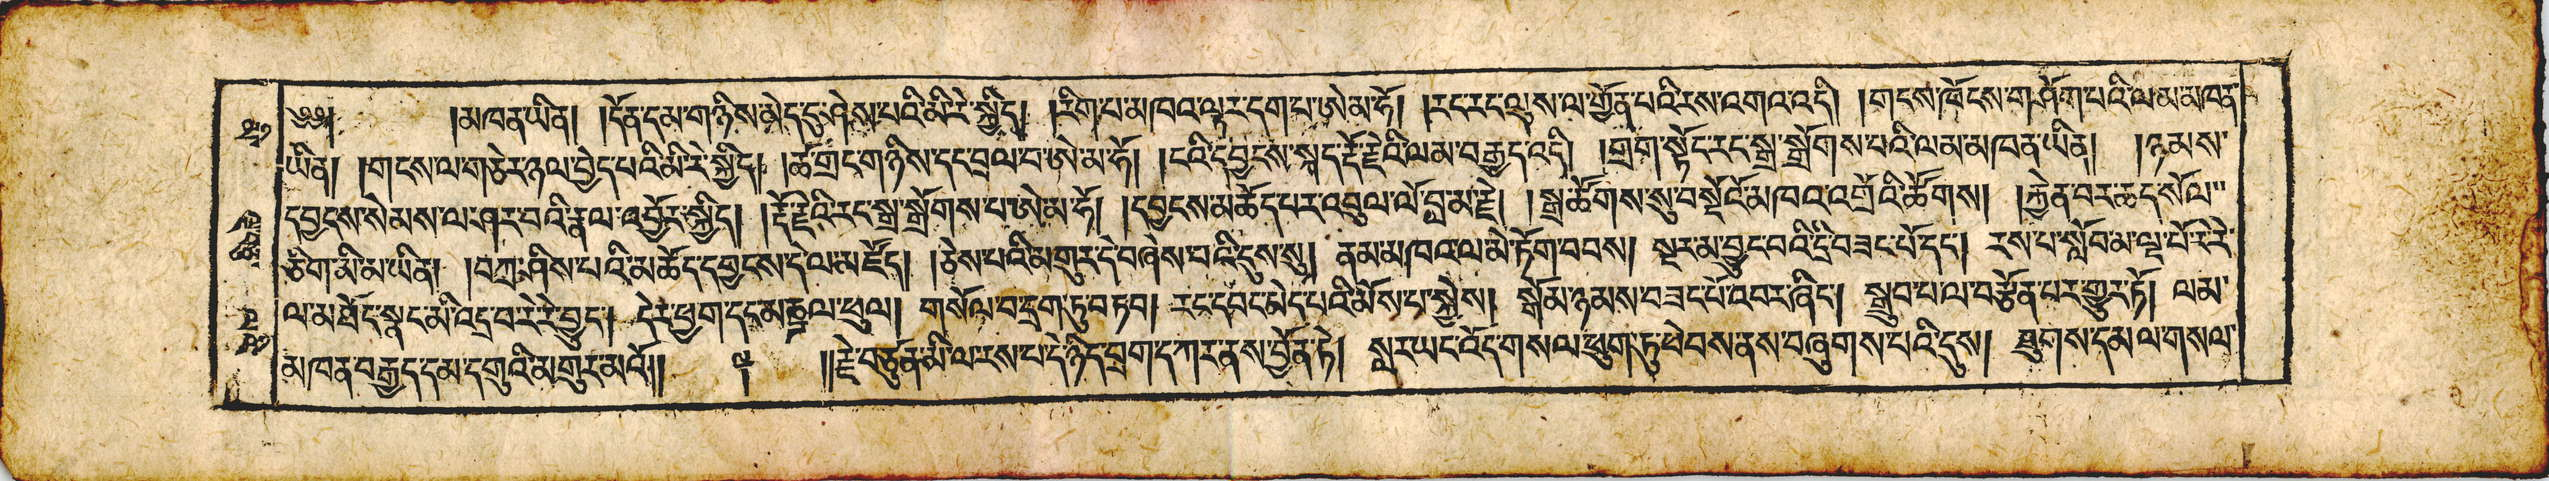མཁན་ཡིན། །དོན་དམ་གཉིས་མེད་དུ་ཤེས་པའི་མི་རེ་སྐྱིད། །རིག་པ་མཁའ་ལྟར་དག་པ་ཨེ་མ་ཧོ། །རང་རང་ལུས་ལ་གྱོན་པའི་རས་འགའ་འདི། །གངས་ཁོངས་གཤོག་པའི་ལམ་མཁན་
ཡིན། །གངས་ལ་གཅེར་ཉལ་བྱེད་པའི་མི་རེ་སྐྱིད། །ཚ་གྲང་གཉིས་དང་བྲལ་བ་ཨེ་མ་ཧོ། །ངའི་དབྱངས་སྐད་རྡོ་རྗེའི་ལམ་བརྒྱད་འདི། །ཐག་སྟོང་རང་སྒྲ་སྒྲོགས་པའི་ལམ་མཁན་ཡིན། །ཉམས་
དབྱངས་སེམས་ལ་ཤར་བའི་རྣལ་འབྱོར་སྐྱིད། །རྡོ་རྗེའི་རང་སྒྲ་སྒྲོགས་པ་ཨེ་མ་ཧོ། །དབྱངས་མཆོད་པར་འབུལ་ལོ་བླ་མ་རྗེ། །སྒྲ་ཚོགས་སུ་བསྔོའོ་མཁའ་འགྲོའི་ཚོགས། །རྐྱེན་བར་ཆད་སོལ་
ཅིག་མི་མ་ཡིན། །བཀྲ་ཤིས་པའི་མཆོད་དབྱངས་དེ་ལ་མཛོད། །ཅེས་པའི་མགུར་དེ་བཞེས་པའི་དུས་སུ། ནམ་མཁའ་ལ་མེ་ཏོག་བབས། སྔར་མ་བྱུང་བའི་དྲི་བཟང་པོ་དང་། རས་པ་སློབ་མ་ལྔ་པོ་རེ་རེ་
ལ་མཐོང་སྣང་མི་འདྲ་བ་རེ་རེ་བྱུང་། དེར་ཕྱག་དང་མཎྜལ་ཕུལ། གསོལ་བ་དྲག་ཏུ་བཏབ། རང་དབང་མེད་པའི་མོས་པ་སྐྱེས། སྒོམ་ཉམས་བཟང་པོ་འབར་ཞིང་། སྒྲུབ་པ་ལ་བརྩོན་པར་གྱུར་ཏོ། ལམ་
མཁན་བརྒྱད་དམ་དགུའི་མགུར་མའོ།། ༈ །།རྗེ་བཙུན་མི་ལ་རས་པ་དེ་ཉིད་བྲག་དཀར་ནས་བྱོན་ཏེ། སླར་ཡང་འོད་གསལ་ཕུག་ཏུ་ཕེབས་ནས་བཞུགས་པའི་དུས། ཐུགས་དམ་ལ་གསལ་